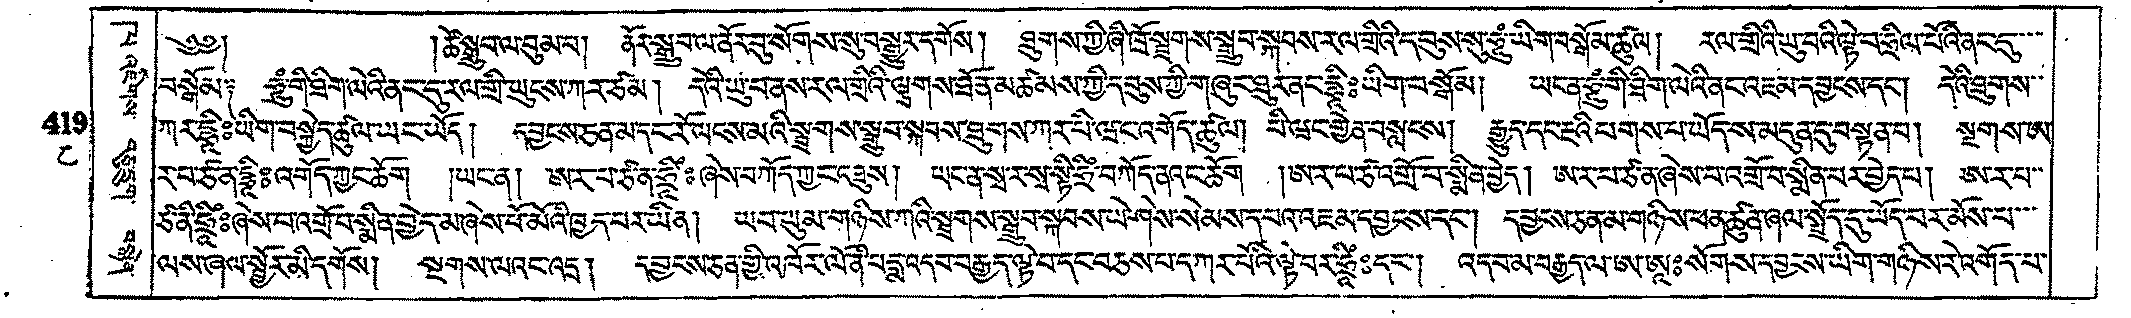༄༅། །ཚེ་སྒྲུབ་ལ་བུམ་པ། ནོར་སྒྲུབ་ལ་ནོར་བུ་སོགས་སུ་བསྒྱུར་དགོས། ཐུགས་ཀྱི་ཞི་ཁྲོ་སྦྲགས་སྒྲུབ་སྐབས་རལ་གྲིའི་དབུས་སུ་ཧཱུཾ་ཡིག་བསྒོམ་ཚུལ། རལ་གྲིའི་ཡུ་བའི་ལྟེ་བ་ཧྲིལ་པོའི་ནང་དུ་་་
བསྒོམ༑ ཧཱུཾ་གི་ཐིག་ལེའི་ནང་དུ་རལ་གྲི་ཡུངས་ཀར་ཙམ། དེའི་ཡུ་བ་ནས་རལ་གྲིའི་ལྕགས་ཐོན་མཚམས་ཀྱི་དབུས་ཀྱི་གཞུང་ཐུར་ནང་དྷཱིཿཡིག་བསྒོམ། ཡང་ན་ཧཱུཾ་གི་ཐིག་ལེའི་ནང་འཇམ་དབྱངས་དང་། དེའི་ཐུགས་་་
ཀར་དྷཱིཿཡིག་བསྐྱེད་ཚུལ་ཡང་ཡོད། དབྱངས་ཅན་མ་དང་རོ་ལངས་མའི་སྦྲགས་སྒྲུབ་སྐབས་ཐུགས་ཀར་པི་ཝང་འགོད་ཚུལ། པི་ཝང་གྱེན་བསླངས། རྒྱུད་དང་རྔའི་པགས་པ་ཡོད་ས་མདུན་དུ་བསྟན་པ། སྔགས་ཨ་
ར་པ་ཙ་ན་དྷཱིཿའགོད་ཀྱང་ཆོག །ཡང་ན། ཨ་ར་པ་ཙ་ན་ཧྲཱིཾཿ ཞེས་བཀོད་ཀྱང་འཐུས། ཡང་ན་སྭ་ར་སྭ་སྟི་ཧྲིཾ་བཀོད་ནའང་ཆོག །ཨ་ར་པ་ཙ་འགྲོ་བ་སྨིན་བྱེད། ཨ་ར་པ་ཙ་ན་ཞེས་པ་འགྲོ་བ་སྨིན་པར་བྱེད་པ། ཨ་ར་པ་་་
ཙ་ནི་ཧྲཱིཾཿ ཞེས་པ་འགྲོ་བ་སྨིན་བྱེད་མ་ཞེས་ཕོ་མོའི་ཁྱད་པར་ཡིན། ཡབ་ཡུམ་གཉིས་ཀའི་སྦྲགས་སྒྲུབ་སྐབས་ཡེ་ཤེས་སེམས་དཔའ་འཇམ་དབྱངས་དང་། དབྱངས་ཅན་མ་གཉིས་ཕན་ཚུན་ཞལ་སྤྲོད་དུ་ཡོད་པར་མོས་པ་་་
ལས་ཞལ་སྦྱོར་མི་དགོས། སྔགས་ལའང་འདྲ། དབྱངས་ཅན་གྱི་འཁོར་ལོ་ནི་པདམ་འདབ་བརྒྱད་ལྟེ་བ་དང་བཅས་པ་དཀར་པོའི་ལྟེ་བར་ཧྲཱིཾཿདང་། འདབ་མ་བརྒྱད་ལ་ཨ་ཨཱཿསོགས་དབྱངས་ཡིག་གཉིས་རེ་འགོད་པ་